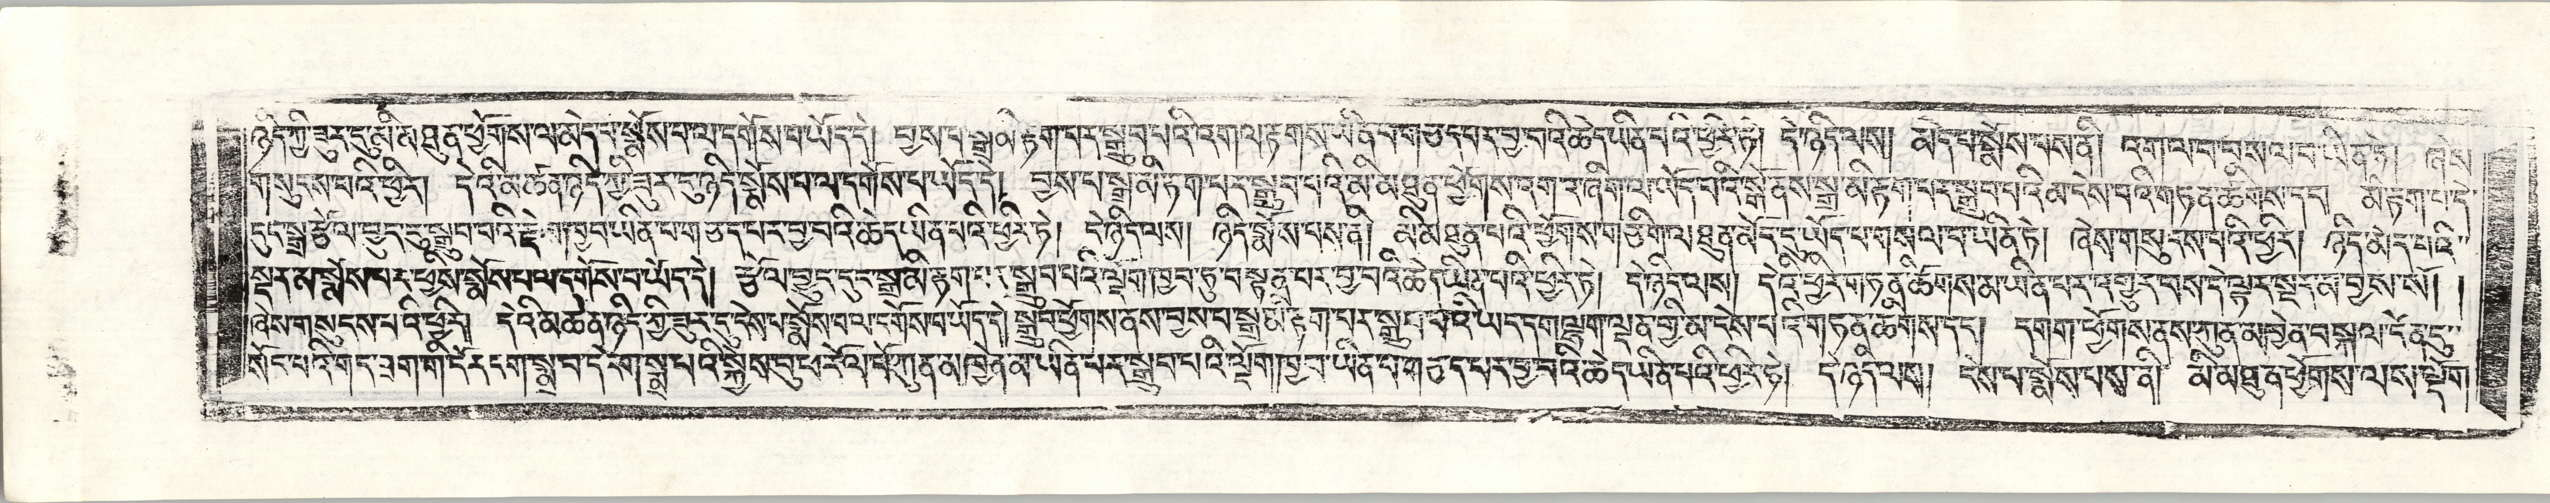ཉིད་ཀྱི་ཟུར་དུ་མི་མཐུན་ཕྱོགས་ལ་མེད་པ་སྨྲས་པ་ལ་དགོས་པ་ཡོད་དེ། བྱས་པ་སྒྲ་མི་རྟག་པར་སྒྲུབ་པའི་འགལ་རྟགས་ཡིན་པ་གཅོད་པར་བྱ་བའི་ཆེད་ཡིན་པའི་ཕྱིར་ཏེ། དེ་ཉིད་ལས། མེད་པ་སྨོས་པ་ནི། འགལ་བ་བསལ་བ་ཡིན་ཏེ། ཞེས་
གསུངས་པའི་ཕྱིར། དེའི་མཚན་ཉིད་ཀྱི་ཟུར་དུ་ཉིད་སྨྲས་པ་ལ་དགོས་པ་ཡོད་དེ། བྱས་པ་སྒྲ་མི་རྟག་པར་སྒྲུབ་པའི་མི་མཐུན་ཕྱོགས་འགའ་ཞིག་ལ་ཡོད་པའི་སྒོ་ནས་སྒྲ་མི་རྟག་པར་སྒྲུབ་པའི་མ་ངེས་པའི་གཏན་ཚིགས་དང་། མི་རྟག་པ་དེ་
དུང་སྒྲ་རྩོལ་བྱུང་དུ་སྒྲུབ་པའི་རྗེས་ཁྱབ་ཡིན་པ་གཅོད་པར་བྱ་བའི་ཆེད་ཡིན་པའི་ཕྱིར་ཏེ། དེ་ཉིད་ལས། ཉིད་སྨྲས་པས་ནི། མི་མཐུན་པའི་ཕྱོགས་གཅིག་ལ་ཐུན་མོང་དུ་ཡོད་པ་བསལ་བ་ཡིན་ཏེ། ཞེས་གསུངས་པའི་ཕྱིར། ཉིད་མེད་པའི་
སྔར་མ་སྨོས་པར་ཕྱིས་སྨྲས་པ་ལ་དགོས་པ་ཡོད་དེ། རྩོལ་བྱུང་དུང་སྒྲ་མི་རྟག་པར་སྒྲུབ་པའི་ལྡོག་ཁྱབ་ཏུ་བསྟན་པར་བྱ་བའི་ཆེད་ཡིན་པའི་ཕྱིར་ཏེ། དེ་ཉིད་ལས། དེའི་ཕྱིར་གཏན་ཚིགས་མ་ཡིན་པར་འགྱུར་བས་དེ་ལྟར་སྔར་མ་བྱས་སོ། །
ཞེས་གསུངས་པའི་ཕྱིར། དེའི་མཚན་ཉིད་ཀྱི་ཟུར་དུ་ངེས་པ་སྨྲས་པ་ལ་དགོས་པ་ཡོད་དེ། སྒྲུབ་ཕྱོགས་ནས་བྱས་པ་སྒྲ་མི་རྟག་པར་སྒྲུབ་པའི་ཡང་དག་ལྷག་ལྡན་གྱི་མ་ངེས་པའི་གཏན་ཚིགས་དང་། དགག་ཕྱོགས་ནས་ཀུན་མཁྱེན་བསྐལ་དོན་དུ་
སོང་བའི་གང་ཟག་གི་ངོར་ངག་སྨྲ་བ་དེ་ངག་སྨྲ་བའི་སྐྱེས་བུ་ཕ་རོལ་བོ་ཀུན་མཁྱེན་མ་ཡིན་པར་སྒྲུབ་པའི་ལྡོག་ཁྱབ་ཡིན་པ་གཅོད་པར་བྱ་བའི་ཆེད་ཡིན་པའི་ཕྱིར་ཏེ། དེ་ཉིད་ལས། ངེས་པ་སྨོས་པས་ནི། མི་མཐུན་ཕྱོགས་ལས་ལྡོག་